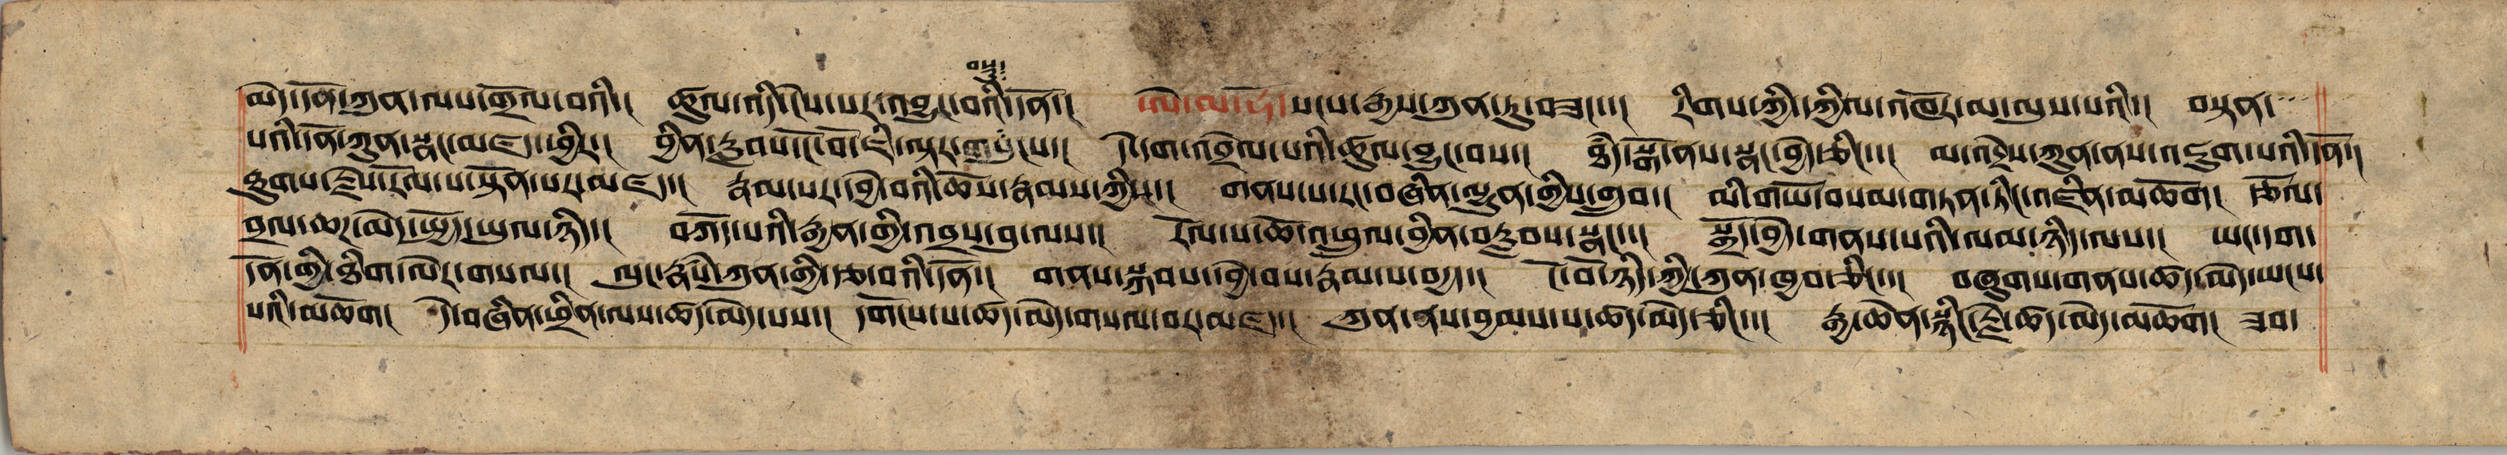མེད་དོན་ཀུན་ལས་གྲོལ་བའི་། ཚུལ་འདི་ངེས་པར་འབྱུང་བའི་དོན་།། ཨེ་མ་ཧོ་་སངས་རྒྱས་ཀུན་ཏུ་བཟང་་། རིགས་ཀྱི་དཀྱིལ་འཁོར་མ་ལུས་པའི་། བསྟན་
པའི་དོན་ཀུན་སྣང་མཛད་ཕྱིར་། བྱིན་རླབས་ངོ་བོ་ཇི་ལྟར་གསུངས་། དེ་དག་འབྲེལ་པའི་ཚུལ་བྱུང་བས་། ཐཾད་སྒོ་ནས་སྣང་བྱེད་ཅིང་་། མ་འདྲེས་ཀུན་ནས་འཇུག་པའི་དོན་
ཐུགས་རྗེས་རོལ་པ་སྟོན་པར་མཛད་། རྣམ་པར་དབྱེ་བའི་ཆོས་རྣམས་ཀྱིས་། གནས་པ་རང་བཞིན་ལྷུན་གྱིས་གྲུབ་། མི་གཡོ་་བསམ་གཏན་ཏིང་འཛིན་མཆོག། རྩོལ་
བྲལ་ཆཌ་མེད་སྤྱོད་ཡུལ་ཉིད་། བཀོད་པའི་རྒྱན་གྱི་འབྲས་བུ་ལས་། རོལ་པ་ཆོ་འཕྲུལ་བྱིན་བརླབས་སྣང་་། སྒྲོད་བྱེད་གནས་པའི་ལམ་ཉིད་ལས་། ཡང་དག་
དོན་གྱི་ཐིག་ལེར་གསལ་། ལུང་རྣཾས་ཀུན་གྱི་རྩ་བའི་དོན་། གནས་སྐབས་དབྱེ་བས་རྣམ་པ་བདྱད་། ངོ་བོ་ཉིད་ཀྱི་ཀུན་ཁྱབ་ཅིང་་། བཞུགས་གནས་ཚད་མེད་ཡངས་
པའི་མཆོག། དེ་བཞིན་ཕྲིན་ལས་ཚད་མེད་པས་། དགོངས་པ་ཚད་མེད་གསལ་བར་མཁྱེན་། ཀུན་ནས་བྱམས་པ་ཚད་མེད་ཅིང་་ རྒྱ་ཆེན་སྙིང་རྗེ་ཚད་མེད་མཆོག། ཟབ་